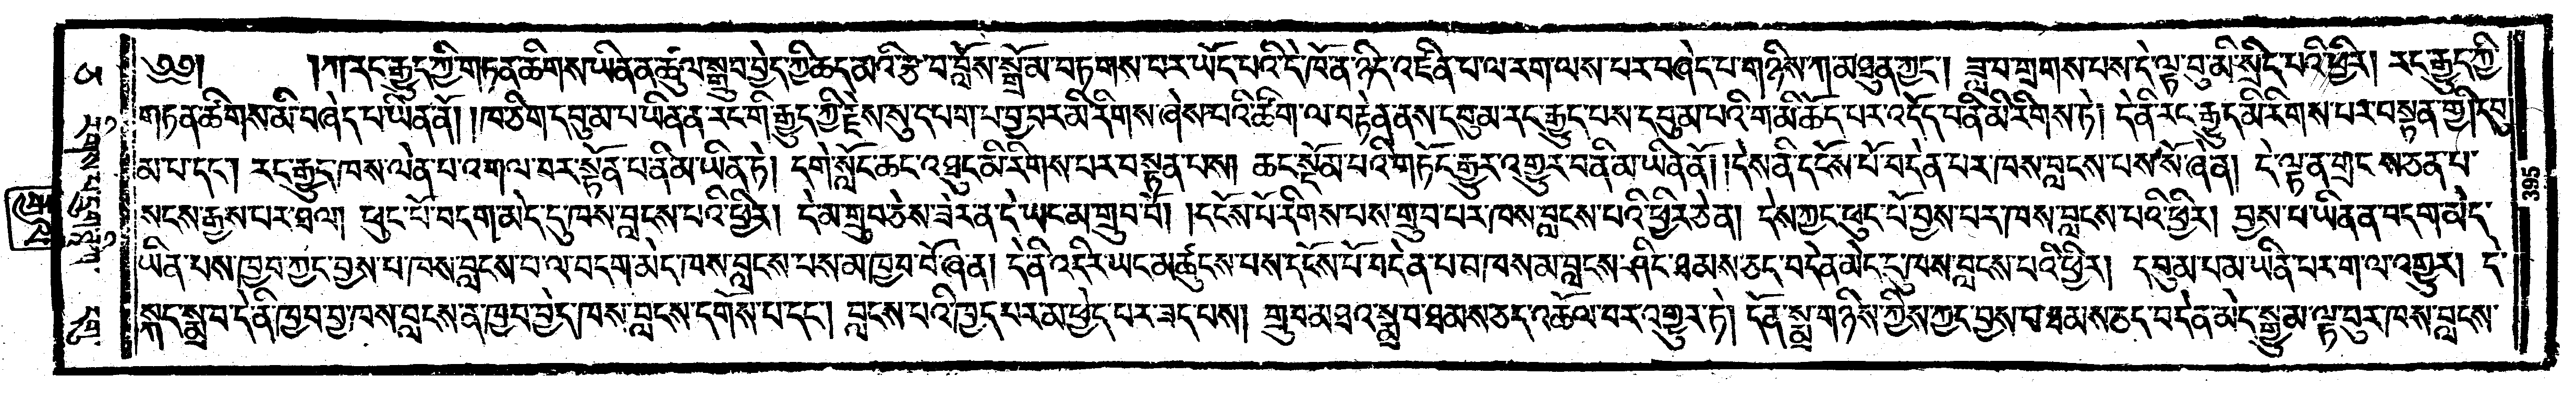༄༅། །ཀ་རང་རྒྱུད་ཀྱི་གཏན་ཚིགས་ཡིན་ན་ཚུལ་སྒྲུབ་བྱེད་ཀྱི་ཚད་མའི་རྩ་བ་བློས་སྒྲོ་མ་བཏགས་པར་ཡོད་པའི་དེ་ཁོ་ན་ཉིད་འཛིན་པ་ལ་རག་ལས་པར་བཞེད་པ་གཉིས་ཀ་མཐུན་ཀྱང་། ཟླ་བ་གྲགས་པས་དེ་ལྟ་བུ་མི་སྲིད་པའི་ཕྱིར། རང་རྒྱུད་ཀྱི་
གཏན་ཚིགས་མི་བཞེད་པ་ཡིན་ནོ། །ཁ་ཅིག་དབུ་མ་པ་ཡིན་ན་རང་གི་རྒྱུད་ཀྱི་རྗེས་སུ་དཔག་པ་བྱ་བར་མི་རིགས་ཞེས་པའི་ཚིག་ལ་བརྟེན་ནས་དབུ་མ་རང་རྒྱུད་པས་དབུ་མ་པའི་ག་མི་ཆོད་པར་འདོད་པ་ནི་མི་རིགས་ཏེ། དེ་ནི་རང་རྒྱུད་མི་རིགས་པར་བསྟན་གྱི། དབུ་
མ་པ་དང་། རང་རྒྱུད་ཁས་ལེན་པ་འགལ་བར་སྟོན་པ་ནི་མ་ཡིན་ཏེ། དགེ་སློང་ཆང་འཐུང་མི་རིགས་པར་བསྟན་པས། ཆང་སྡོམ་པའི་གཏོང་རྒྱུར་འགྱུར་བ་ནི་མ་ཡིན་ནོ། །དེས་ནི་དངོས་པོ་བདེན་པར་ཁས་བླངས་པས་སོ་ཞེ་ན། དེ་ལྟ་ན་གྲངས་ཅན་པ་
སངས་རྒྱས་པར་ཐལ། ཕུང་པོ་བདག་མེད་དུ་ཁས་བླངས་པའི་ཕྱིར། དེ་མ་གྲུབ་ཅེས་ཟེར་ན་དེ་ཡང་མ་གྲུབ་བོ། །དངོས་པོ་རིགས་པས་གྲུབ་པར་ཁས་བླངས་པའི་ཕྱིར་ཅེ་ན། དེས་ཀྱང་ཕུང་པོ་བྱས་པར་ཁས་བླངས་པའི་ཕྱིར། བྱས་པ་ཡིན་ན་བདག་མེད་
ཡིན་པས་ཁྱབ་ཀྱང་བྱས་པ་ཁས་བླངས་པ་ལ་བདག་མེད་ཁས་བླངས་པས་མ་ཁྱབ་པོ་ཞེ་ན། དེ་ནི་འདིར་ཡང་མཚུངས་པས་དངོས་པོ་བདེན་པ་བ་ཁས་མ་བླངས་ཤིང་ཐམས་ཅད་བདེན་མེད་དུ་ཁས་བླངས་པའི་ཕྱིར། དབུ་མ་པ་མ་ཡིན་པར་ག་ལ་འགྱུར། དེ་
སྐད་སྨྲ་བ་དེ་ནི་ཁྱབ་བྱ་ཁས་བླངས་ན་ཁྱབ་བྱེད་ཁས་བླངས་དགོས་པ་དང་། བླངས་པའི་ཁྱད་པར་མ་ཕྱེད་པར་ཟད་པས། གྲུབ་མཐའ་སྨྲ་བ་ཐམས་ཅད་འཆོལ་བར་འགྱུར་ཏེ། དོན་སྨྲ་གཉིས་ཀྱིས་ཀྱང་བྱས་པ་ཐམས་ཅད་བདེན་མེད་སྒྱུ་མ་ལྟ་བུར་ཁས་བླངས་